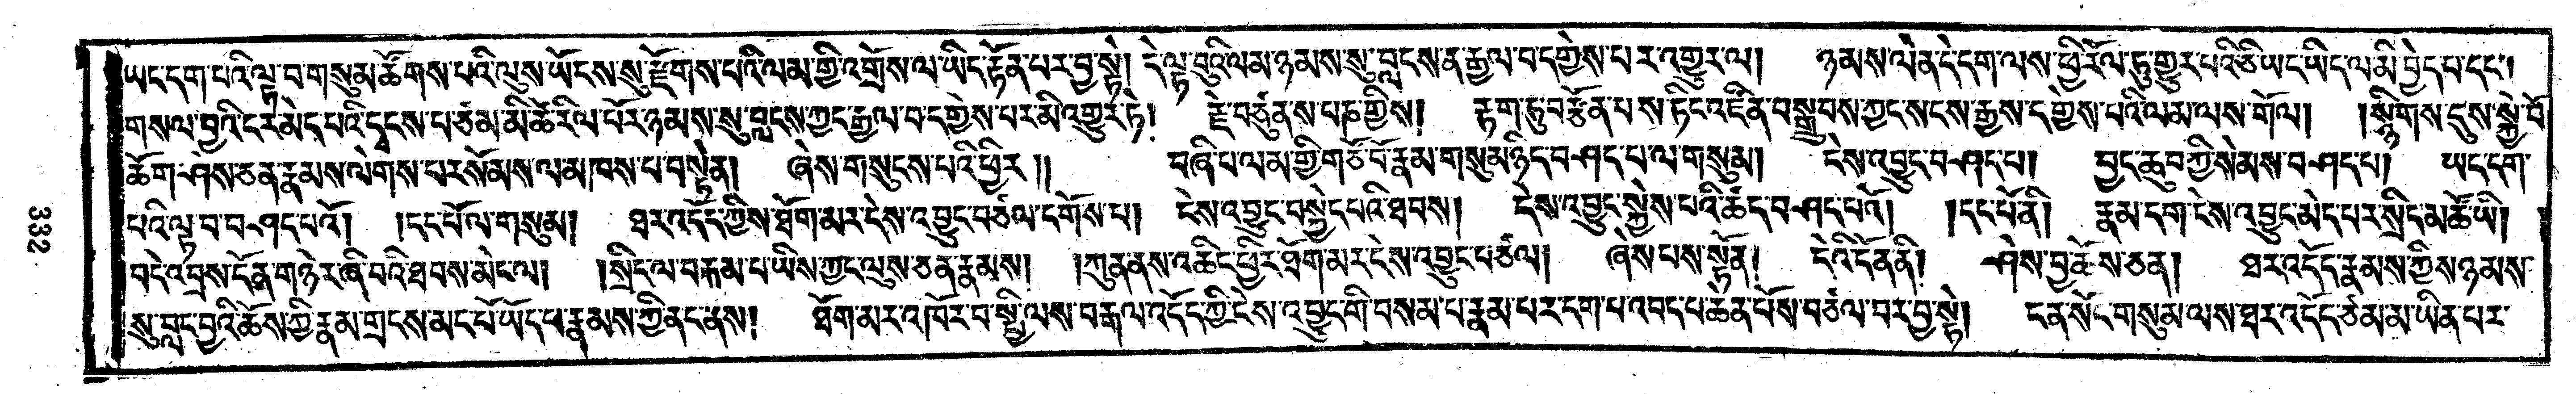ཡང་དག་པའི་ལྟ་བ་གསུམ་ཚོགས་པའི་ལུས་ཡོངས་སུ་རྫོགས་པའི་ལམ་གྱི་འགྲོས་ལ་ཡིད་རྟོན་པར་བྱ་སྟེ། དེ་ལྟ་བུའི་ལམ་ཉམས་སུ་བླངས་ན་རྒྱལ་བ་དགྱེས་པར་འགྱུར་ལ། ཉམས་ལེན་དེ་དག་ལས་ཕྱི་རོལ་ཏུ་གྱུར་པའི་ཅི་ཡང་ཡིད་ལ་མི་བྱེད་པ་དང་།
གསལ་བྱའི་ངར་མེད་པའི་དྭངས་པ་ཙམ་མི་ཚེ་རིལ་པོར་ཉམས་སུ་བླངས་ཀྱང་རྒྱལ་བ་དགྱེས་པར་མི་འགྱུར་ཏེ། རྗེ་བཙུན་ས་པཎ་གྱིས། རྟག་ཏུ་བརྩོན་པས་ཏིང་འཛིན་བསྒྲུབས་ཀྱང་སངས་རྒྱས་དགྱེས་པའི་ལམ་ལས་གོལ། །སྙིགས་དུས་སྐྱེ་བོ་
ཆོ་ག་ཤེས་ཅན་རྣམས་ལེགས་པར་སོམས་ལ་མཁས་པ་བསྟེན། ཞེས་གསུངས་པའི་ཕྱིར། བཞི་པ་ལམ་གྱི་གཙོ་བོ་རྣམ་གསུམ་ཉིད་བཤད་པ་ལ་གསུམ། ངེས་འབྱུང་བཤད་པ། བྱང་ཆུབ་ཀྱི་སེམས་བཤད་པ། ཡང་དག་
པའི་ལྟ་བ་བཤད་པའོ། །དང་པོ་ལ་གསུམ། ཐར་འདོད་ཀྱིས་ཐོག་མར་དེས་འབྱུང་བཙལ་དགོས་པ། ངེས་འབྱུང་བསྐྱེད་པའི་ཐབས། དེས་འབྱུང་སྐྱེས་པའི་ཚད་བཤད་པའོ། །དང་པོ་ནི། རྣམ་དག་ངེས་འབྱུང་མེད་པར་སྲིད་མཚོ་ཡི། །
བདེ་འབྲས་དོན་གཉེར་ཞི་བའི་ཐབས་མེད་ལ། །སྲིད་ལ་བརྐམ་པ་ཡིས་ཀྱང་ལུས་ཅན་རྣམས། ཀུན་ནས་འཆིང་ཕྱིར་ཐོག་མར་ངེས་འབྱུང་བཙལ། ཞེས་པས་སྟོན། དེའི་དོན་ནི། ཤེས་བྱ་ཆོས་ཅན། ཐར་འདོད་རྣམས་ཀྱིས་ཉམས་
སུ་བླང་བྱའི་ཆོས་ཀྱི་རྣམ་གྲངས་མང་པོ་ཡོད་པ་རྣམས་ཀྱི་ནང་ནས། ཐོག་མར་འཁོར་བ་སྤྱི་ལས་བརྒལ་འདོད་ཀྱི་ངེས་འབྱུང་གི་བསམ་པ་རྣམ་པར་དག་པ་འབད་པ་ཆེན་པོས་བཙལ་བར་བྱ་སྟེ། ངན་སོང་གསུམ་ལས་ཐར་འདོད་ཙམ་མ་ཡིན་པར་